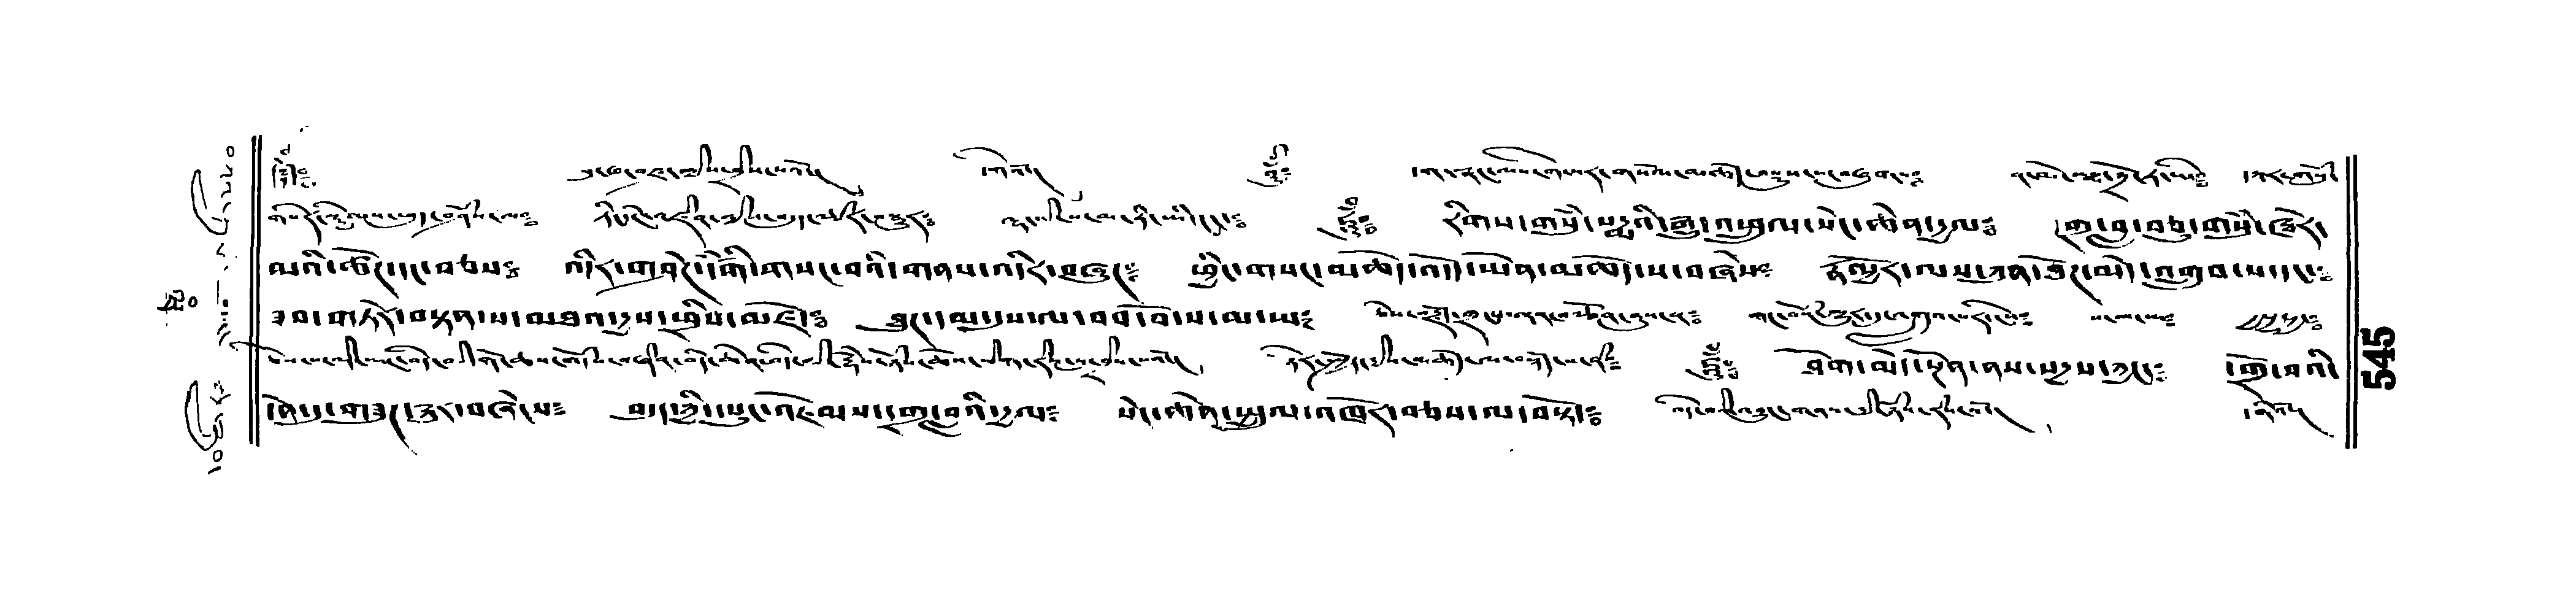སུ་ཁ་བཛྲ་གྱིས་བྲིས་པའོ།། དགེའོ།། དག་སྣང་ལས་གེ་སར་གསོལ་མཆོད་བསྡུས་པ་བཞུགས༔ ན་མོ་པདྨ་ཀྲོ་དྷ་ཡེ༔ དཀར་གསུམ་
གསེར་སྐྱེམས་ཕུད་བཤམས་ལ༔ ཏིང་ངེ་འཛིན་གྱིས་བདུད་རྩིར་བསྒྱུར༔ ལྷ་ཡི་ས་མ་ཏི་ཡི་ངང༔ ཧཱུྃ༔ རིགས་གསུམ་པདྨའི་སྒྱུ་འཕྲུལ་སེང་ཆེན་རྒྱལ༔ དགྲ་བླ་བཅུ་གསུམ་ཝོར་
མའི་ཚོགས་དང་བཅས༔ འདིར་གཤེགས་དམ་ཚིག་གསང་བའི་གནས་འདིར་བཞུགས༔ ཕྱི་ནང་གསང་མཆོད་འདོད་ཡོན་མཆོད་པ་བཞེས༔ རྣལ་འབྱོར་ལས་ཀུན་ཐོགས་མེད་འགྲུབ་པ་དང༔ 
ཟབ་གཏེར་བསྟན་པ་མཐའ་རྒྱས་ཕྲིན་ལས་མཛོད༔ ཐུགས་དམ་དུས་ལ་བབ་བོ་ས་མ་ཡ༔ ཅེས་བརྗོད་གྲངས་ལྡན་བརྩོན་ནུས་ན༔ གང་བསམ་མྱུར་དུ་འགྲུབ་པར་ངེས༔ ས་མ་ཡ༔ རྒྱ་རྒྱ་རྒྱ༔ 
ཅེས་པ་འདི་ཡང་བདེ་བའི་གོ་ཆས་གདམས་བཞིན་བདེ་ཆེན་བདེ་པའི་རྡོ་རྗེས་ཉམས་ཆོས་ཡིག་རིས་སུ་བྲིས་པའོ། ཉེར་སྤྱོད་ཀྱིས་མཆོད་ལ་བསྟོད་པ་ནི༔ ཧཱུྃ༔ ཐོག་མེད་སྔོན་ནས་སངས་རྒྱས་ཀྱང༔ འགྲོ་བའི་
དོན་དུ་གཟུགས་སྐུར་བཞེངས༔བདུད་ཀྱི་དཔུང་འཇོམས་དགྲ་བའི་རྒྱལ༔ སེང་ཆེན་སྤྲུལ་འཁོར་བཅས་ལ་བསྟོད༔ བདེ་བའི་འབྱུང་གནས་ཀྱི་ཉམས་རིས་སོ།། དགེའོ།།